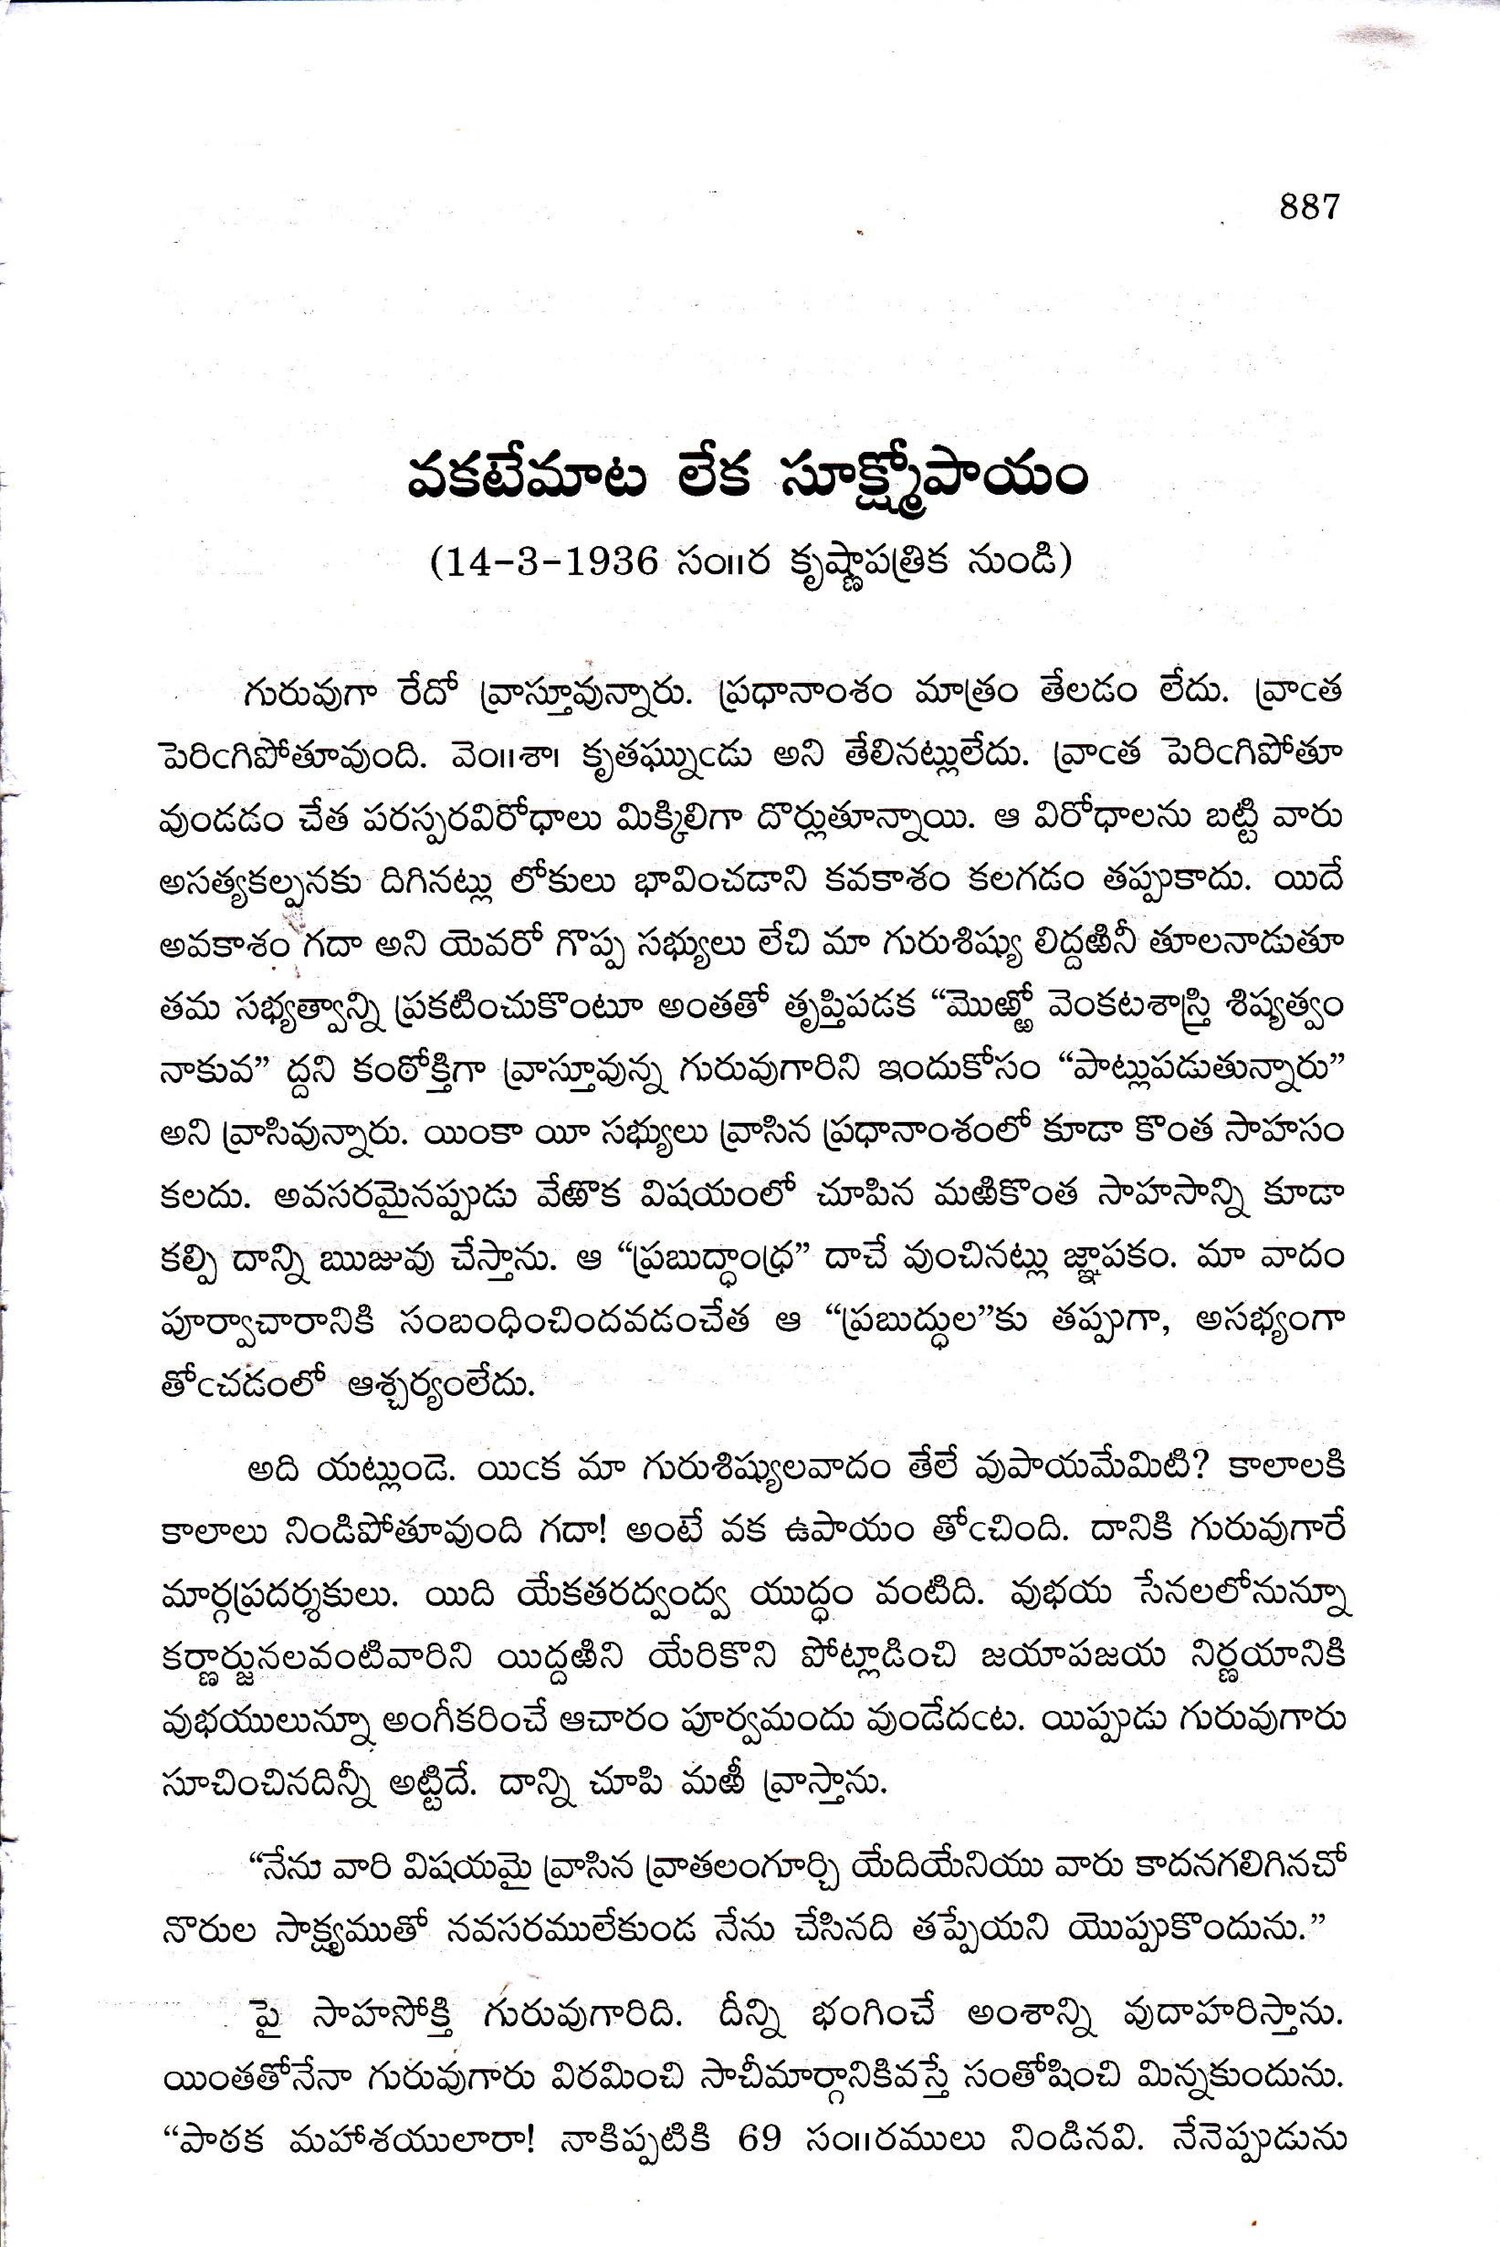వకటేమాట లేక సూక్ష్మోపాయం
(14-3–1936 సం||ర కృష్ణాపత్రిక నుండి)

గురువుగా రేదో వ్రాస్తూవున్నారు. ప్రధానాంశం మాత్రం తేలడం లేదు. వ్రాఁత పెరిఁగిపోతూవుంది. వెం||శా|| కృతఘ్నుఁడు అని తేలినట్లులేదు. వ్రాఁత పెరిఁగిపోతూ వుండడం చేత పరస్పరవిరోధాలు మిక్కిలిగా దొర్లుతూన్నాయి. ఆ విరోధాలను బట్టి వారు అసత్యకల్పనకు దిగినట్లు లోకులు భావించడాని కవకాశం కలగడం తప్పుకాదు. యిదే అవకాశం గదా అని యెవరో గొప్ప సభ్యులు లేచి మా గురుశిష్యు లిద్దఱినీ తూలనాడుతూ తమ సభ్యత్వాన్ని ప్రకటించుకొంటూ అంతతో తృప్తిపడక "మొఱ్ఱో వెంకటశాస్త్రి శిష్యత్వం నాకువ" ధ్ధని కంఠోక్తిగా వ్రాస్తూవున్న గురువుగారిని ఇందుకోసం “పాట్లుపడుతున్నారు" అని వ్రాసివున్నారు. యింకా యీ సభ్యులు వ్రాసిన ప్రధానాంశంలో కూడా కొంత సాహసం కలదు. అవసరమైనప్పుడు వేఱొక విషయంలో చూపిన మఱికొంత సాహసాన్ని కూడా కల్పి దాన్ని ఋజువు చేస్తాను. ఆ “ప్రబుద్దాంధ్ర" దాచే వుంచినట్లు జ్ఞాపకం. మా వాదం పూర్వాచారానికి సంబంధించిందవడంచేత ఆ “ప్రబుద్దుల"కు తప్పుగా, అసభ్యంగా తోఁచడంలో ఆశ్చర్యంలేదు. - -

అది యట్లుండె యిఁక మా గురుశిష్యులవాదం తేలే వుపాయమేమిటి? కాలాలకి కాలాలు నిండిపోతూవుంది గదా! అంటే వక ఉపాయం తోఁచింది. దానికి గురువుగారే మార్గప్రదర్శకులు. యిది యేకతరద్వంద్వ యుద్ధం వంటిది. వుభయ సేనలలోనున్నూ కర్ణార్జునలవంటివారిని యిద్దఱిని యేరికొని పోట్లాడించి జయాపజయ నిర్ణయానికి వుభయులున్నూ అంగీకరించే ఆచారం పూర్వమందు వుండేదఁట. యిప్పుడు గురువుగారు సూచించినదిన్నీ అట్టిదే. దాన్ని చూపి మఱీ వ్రాస్తాను.

"నేను వారి విషయమై వ్రాసిన వ్రాతలంగూర్చి యేదియేనియు వారు కాదనగలిగినచో నొరుల సాక్ష్యముతో నవసరములేకుండ నేను చేసినది తప్పేయని యొప్పకొందును.”

పై సాహసోక్తి గురువుగారిది. దీన్ని భంగించే అంశాన్ని వుదాహరిస్తాను.
యింతతోనేనా గురువుగారు విరమించి సాచీమార్గానికివస్తే సంతోషించి మిన్నకుందును. “పాఠక మహాశయులారా! నాకిప్పటికి 69 సం||రములు నిండినవి. నేనెప్పుడును